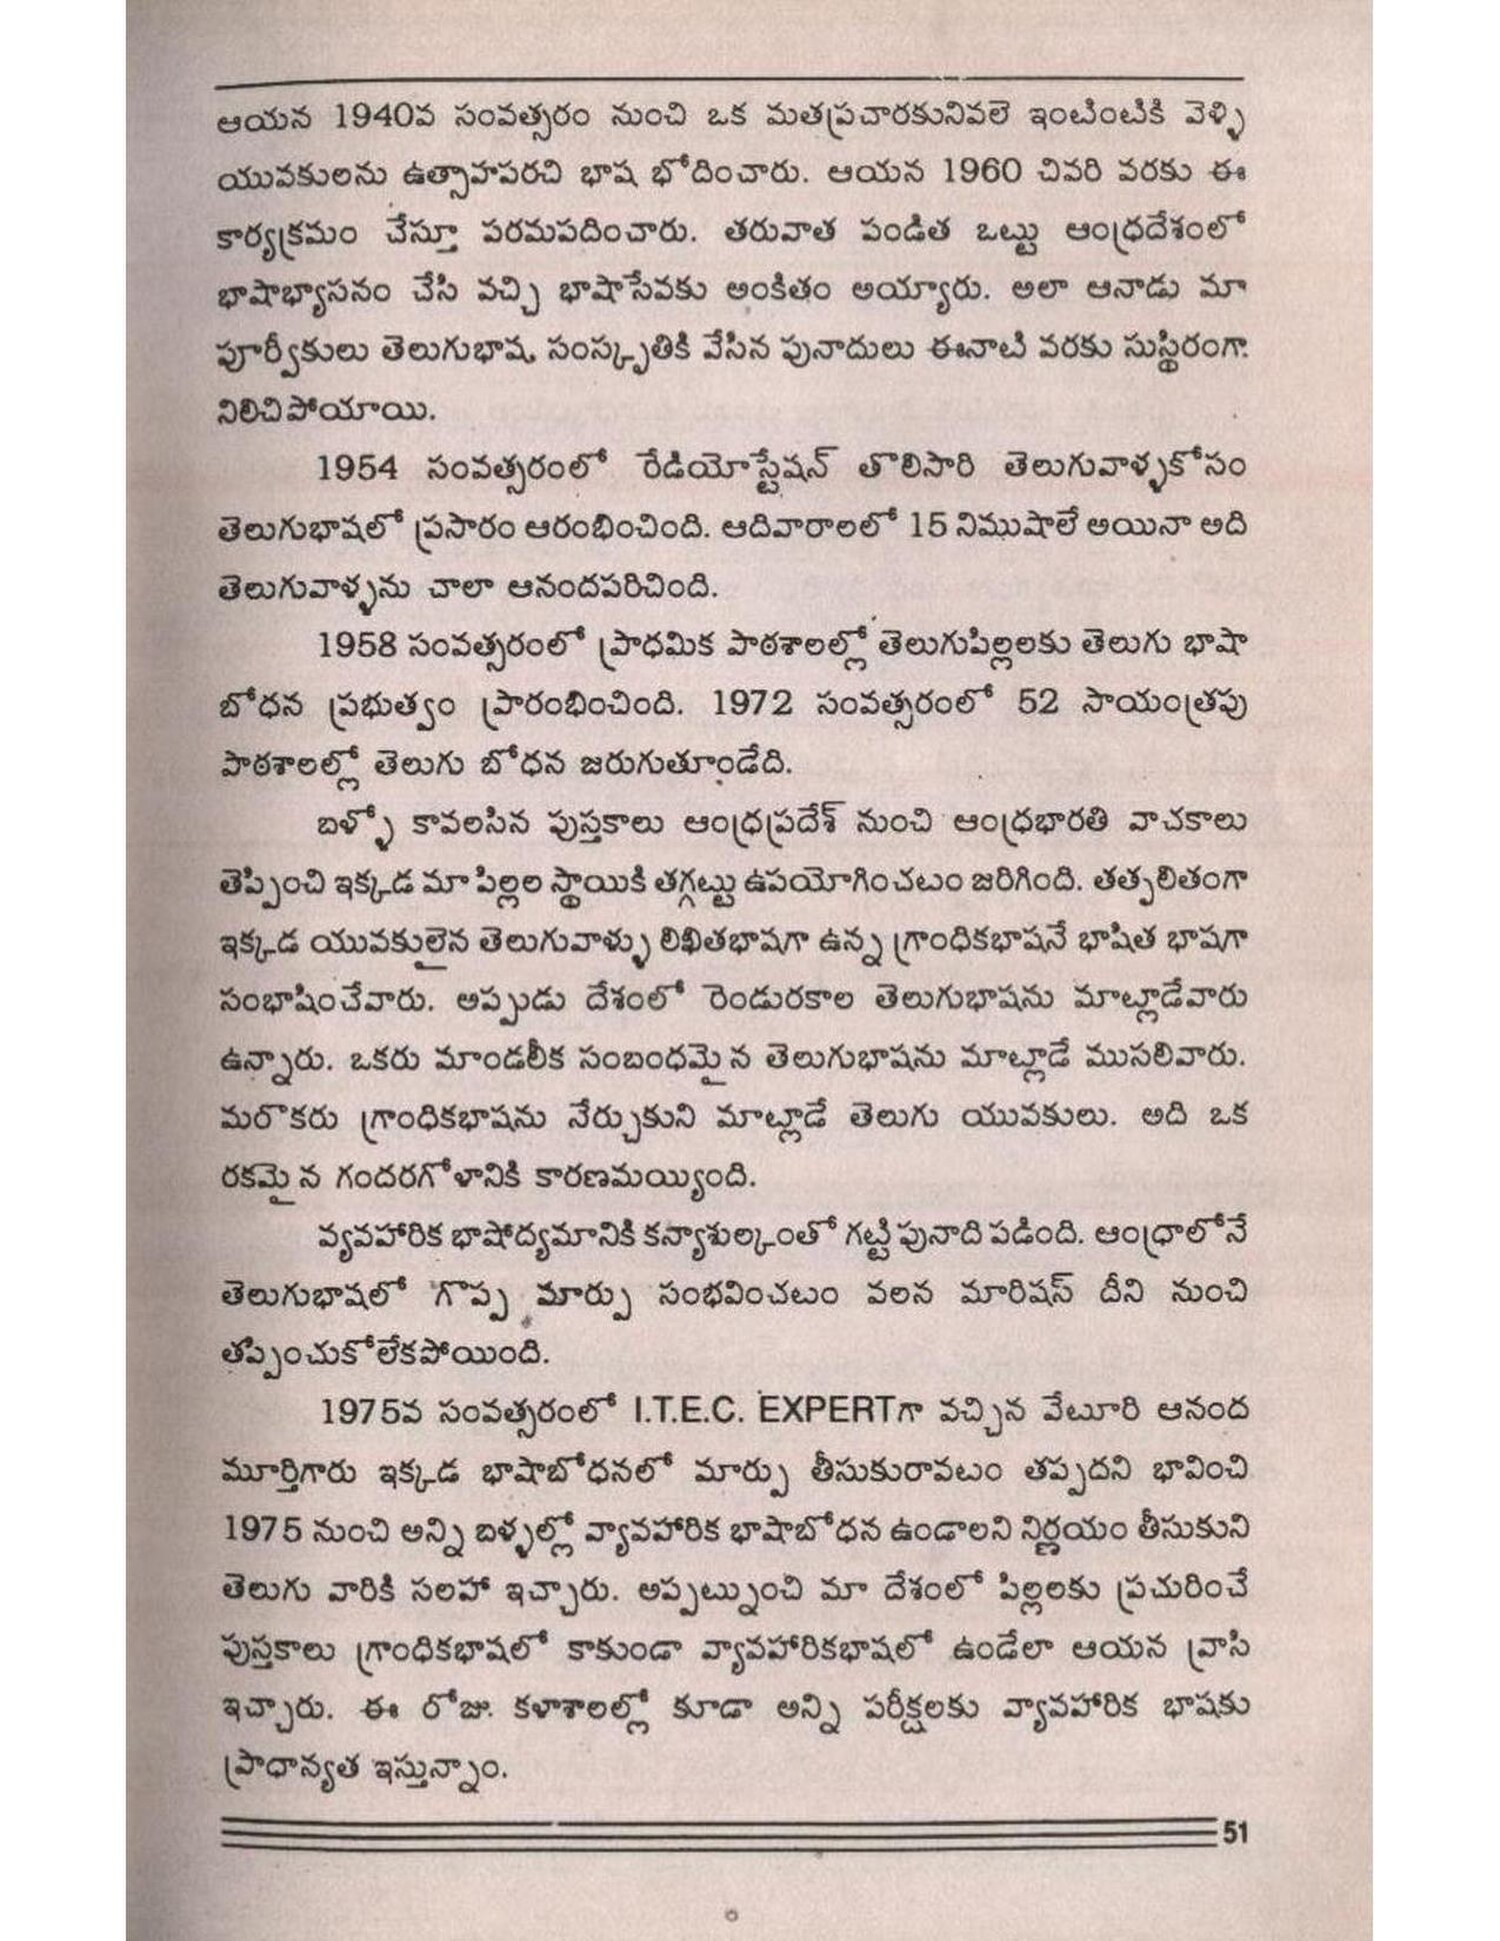ఆయన 1940వ సంవత్సరం నుంచి ఒక మతప్రచారకునివలె ఇంటింటికి వెళ్ళి యువకులను ఉత్సాహపరచి భాష భోదించారు. ఆయన 1960 చివరి వరకు ఈ కార్యక్రమం చేస్తూ పరమపదించారు. తరువాత పండిత ఒట్టు ఆంధ్రదేశంలో భాషాభ్యాసనం చేసి వచ్చి భాషాసేవకు అంకితం అయ్యారు. అలా ఆనాడు మా పూర్వీకులు తెలుగుభాష, సంస్కృతికి వేసిన పునాదులు ఈనాటి వరకు సుస్థిరంగా నిలిచిపోయాయి.

1954 సంవత్సరంలో రేడియో స్టేషన్ తొలిసారి తెలుగువాళృకోసం తెలుగుభాషలో ప్రసారం ఆరంభించింది. ఆదివారాలలో 15 నిముషాలే అయినా అది తెలుగువాళ్ళను చాలా ఆనందపరిచింది.

1958 సంవత్సరంలో ప్రాధమిక పాఠశాలల్లో తెలుగుపిల్లలకు తెలుగు భాషా బోధన ప్రభుత్వం ప్రారంభించింది. 1972 సంవత్సరంలో 52 సాయంత్రపు పాఠశాలల్లో తెలుగు బోధన జరుగుతూండేది. 

బళ్ళో కావలసిన పుస్తకాలు ఆంధ్రప్రదేశ్ నుంచి ఆంధ్రభారతి వాచకాలు తెప్పించి ఇక్కడ మాపిల్లల స్థాయికి తగ్గట్టు ఉపయోగించటం జరిగింది. తత్ఫలితంగా ఇక్కడ యువకులైన తెలుగువాళ్ళు లిఖితభాషగా ఉన్న గ్రాంధికభాషనే భాషిత భాషగా సంభాషించేవారు. అప్పడు దేశంలో రెండురకాల తెలుగుభాషను మాట్లాడేవారు ఉన్నారు. ఒకరు మాండలీక సంబంధమైన తెలుగుభాషను మాట్లాడే ముసలివారు. మరొకరు గ్రాంధికభాషను నేర్చుకుని మాట్లాడే తెలుగు యువకులు. అది ఒక రకమైన గందరగోళానికి కారణమయ్యింది.

వ్యవహారిక భాషోద్యమానికి కన్యాశుల్కంతో గట్టిపునాది పడింది. ఆంధ్రాలోనే తెలుగుభాషలో గొప్ప మార్పు సంభవించటం వలన మారిషస్ దీని నుంచి తప్పించుకోలేకపోయింది.

1975వ సంవత్సరంలో I.T.E.C. EXPERTగా వచ్చిన వేటూరి ఆనందమూర్తిగారు ఇక్కడ భాషా బోధనలో మార్పు తీసుకురావటం తప్పదని భావించి 1975 నుంచి అన్ని బళ్ళల్లో వ్యావహారిక భాషాబోధన ఉండాలని నిర్ణయం తీసుకుని తెలుగు వారికి సలహా ఇచ్చారు. అప్పట్నుంచి మా దేశంలో పిల్లలకు ప్రచురించే పుస్తకాలు గ్రాంధికభాషలో కాకుండా వ్యావహారికభాషలో ఉండేలా ఆయన వ్రాసి ఇచ్చారు. ఈ రోజు కళాశాలల్లో కూడా అన్ని పరీక్షలకు వ్యావహారిక భాషకు ప్రాధాన్యత ఇస్తున్నాం.